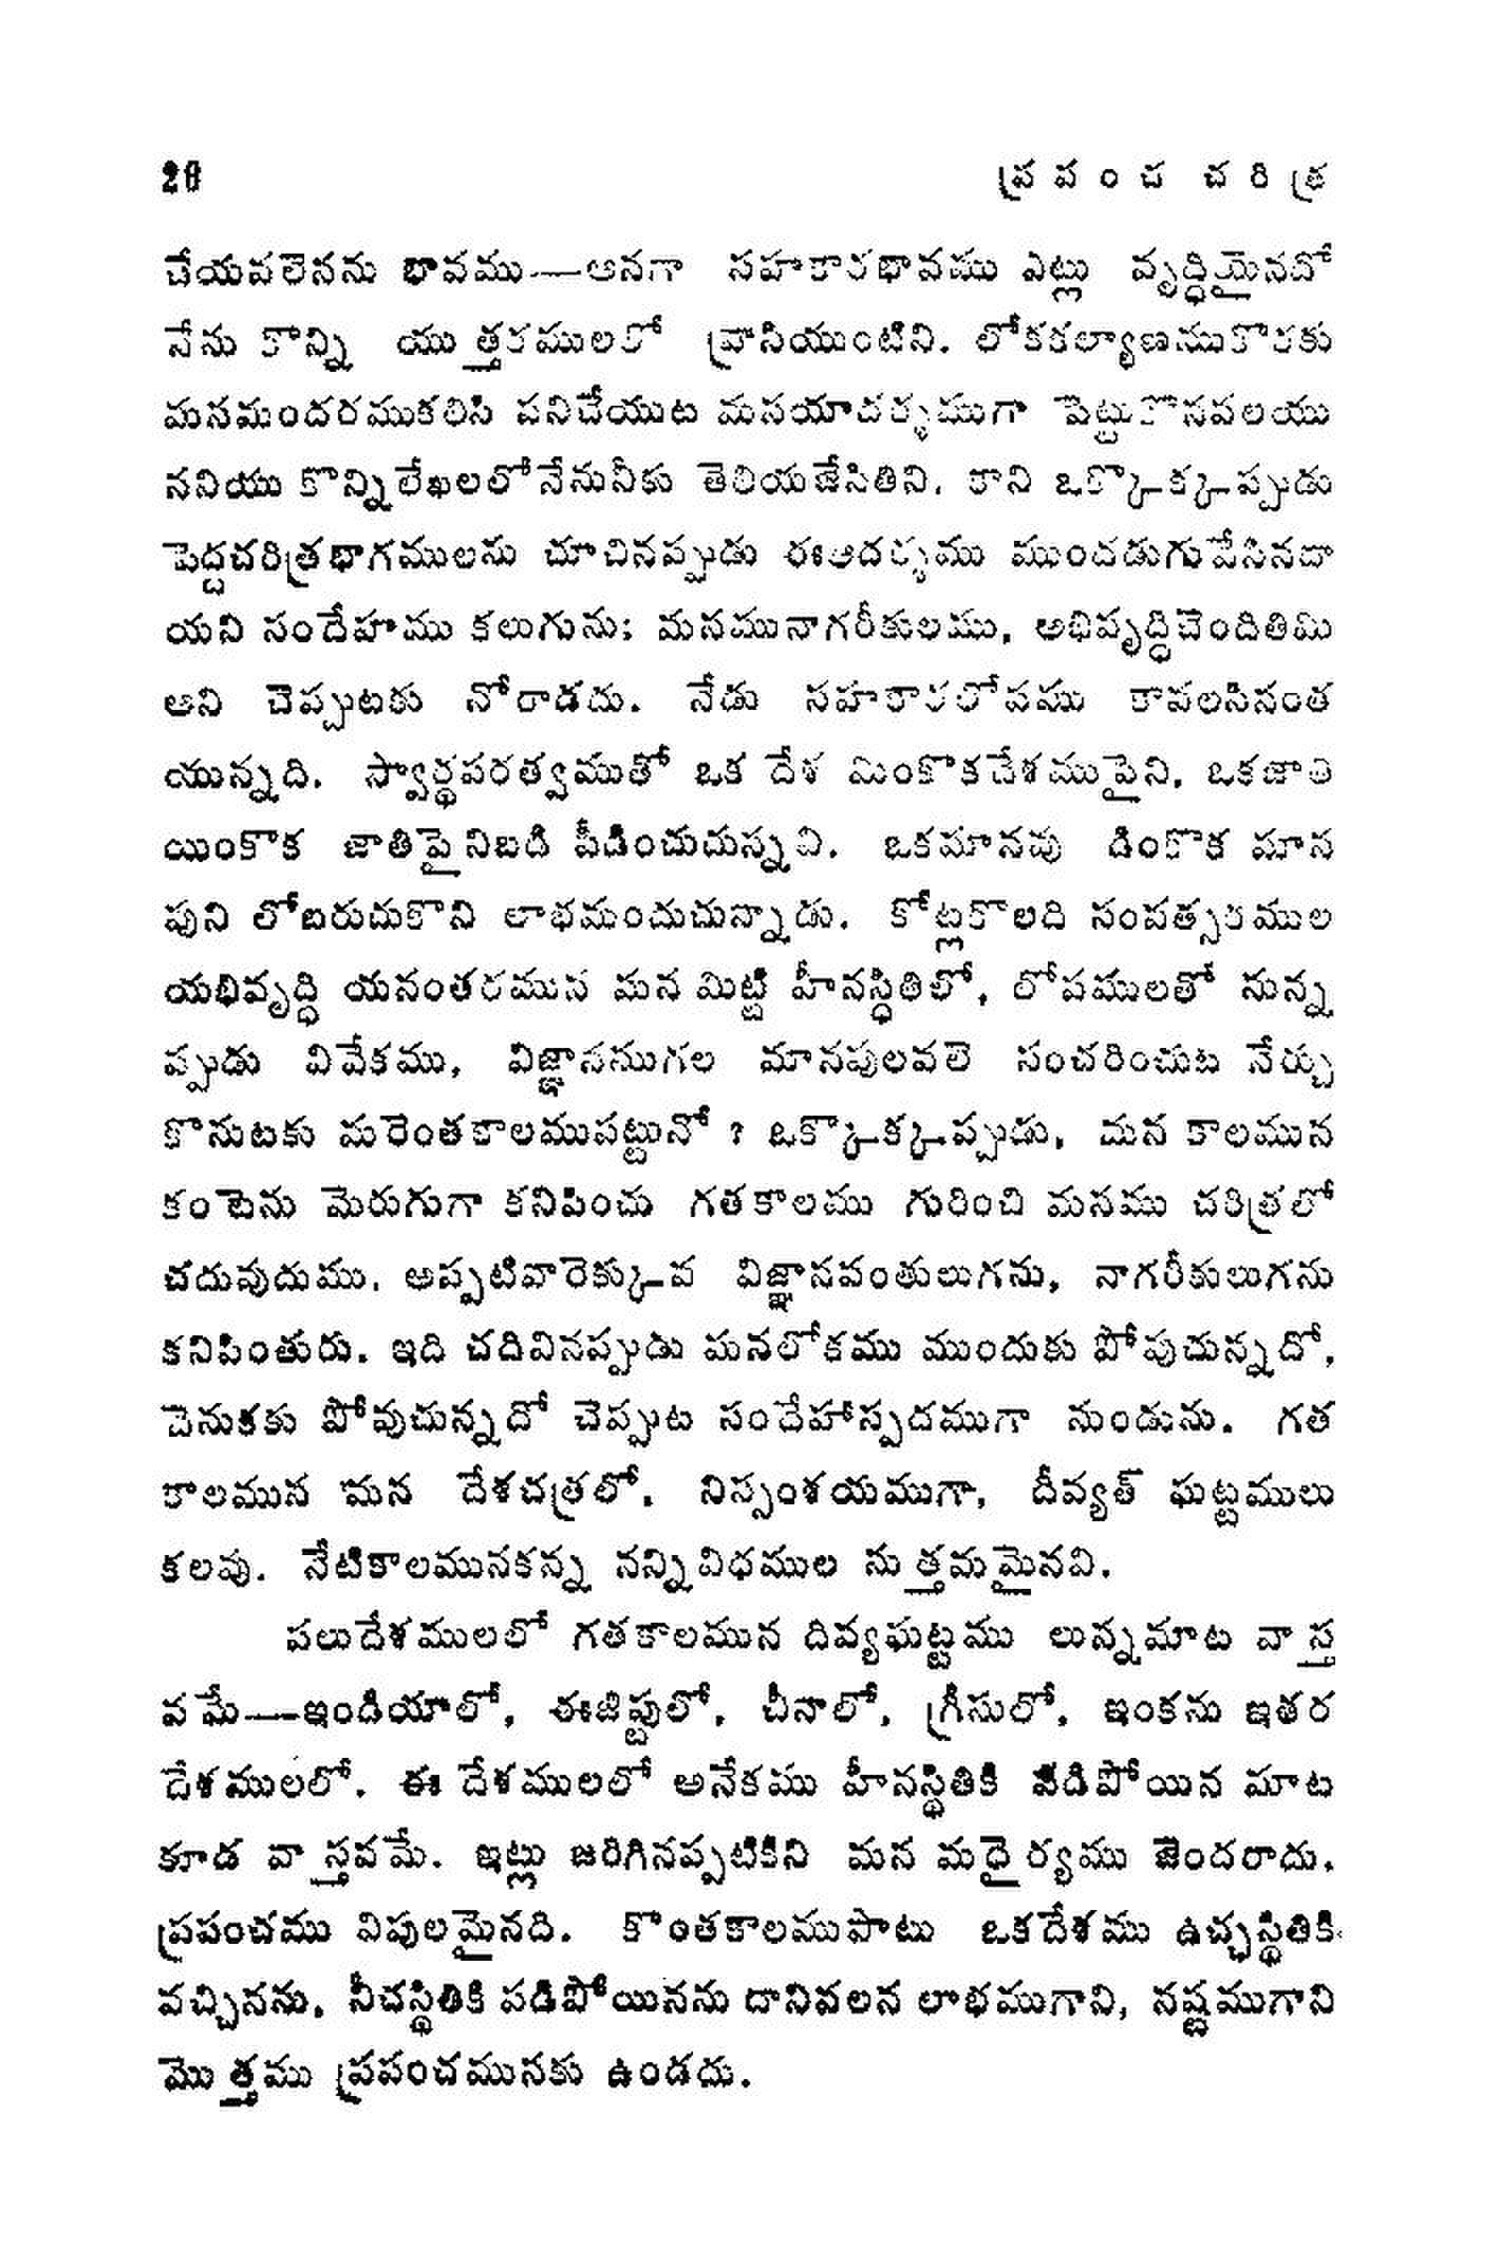చేయవలెనను భావము - అనగా సహకారభావము ఎట్లు వృద్దియైనదో నేను కొన్ని యుత్తరములలో వ్రాసియుంటిని. లోకకళ్యాణముకొరకు మనమందరముకలిసి పనిచేయుట మనయాదర్శముగా పెట్టుకొనవలయుననియు కొన్ని లేఖలలో నేను నీకు తెలియజేసితిని. కాని ఒక్కొక్కప్పుడు పెద్దచరిత్రభాగములను చూచినప్పుడు ఈఆదర్శము ముందడుగువేసినదా యని సందేహము కలుగును; మనము నాగరీకులము, అభివృద్ధి చెందితిమి అని చెప్పుటకు నోరాడదు. నేడు సహకారలోపము కావలసినంత యున్నది. స్వార్థపరత్వముతో ఒక దేశ మింకొకచేశముపైని, ఒకజాతి యింకొక జాతిపైనిబడి పీడించుచున్నవి. ఒకమానవు. డింకొక మానవుని లోబరుచుకొని లాభమందుచున్నాడు. కోట్లకొలది సంవత్సరముల యభివృద్ధి యనంతరమున మన మిట్టి హీనస్థితిలో, లోపములతో నున్నప్పుడు వివేకము, విజ్ఞానముగల మానవులవలె సంచరించుట నేర్చుకొనుటకు మరెంతకాలముపట్టునో ? ఒక్కొక్కప్పుడు, మన కాలమున కంటెను మెరుగుగా కనిపించు గత కొలము గురించి మనము చరిత్రలో చదువుదుము. అప్పటివారెక్కువ విజ్ఞానవంతులుగను, నాగరీకులుగను కనిపింతురు. ఇది చదివినప్పుడు మనలోకము ముందుకు పోపుచున్నదో, వెనుకకు పోవుచున్నదో చెప్పుట సందేహాస్పదముగా నుండును. గతకాలమున మన దేశచత్రలో, నిస్సంశయముగా, దీవ్యత్ ఘట్టములు కలవు. నేటికాలమునకన్న నన్నివిధముల నుత్తమమైనవి. .

పలుదేశములలో గతకాలమున దివ్యఘట్టము లున్నమాట వాస్తవమే - ఇండియాలో, ఈజిప్టులో, చీనాలో, గ్రీసులో, ఇంకను ఇతర దేశములలో. ఈ దేశములలో అనేకము హీనస్థితికి పడిపోయిన మాట కూడ వాస్తవమే. ఇట్లు జరిగినప్పటికిని మన మదైర్యము జెందరాదు, ప్రపంచము విపులమైనది. కొంతకాలముపాటు ఒకదేశము ఉచ్ఛస్థితికి వచ్చినను. నీచస్థితికి పడిపోయినను దానివలన లాభముగాని, నష్టముగాని మొత్తము ప్రపంచమునకు ఉండదు.